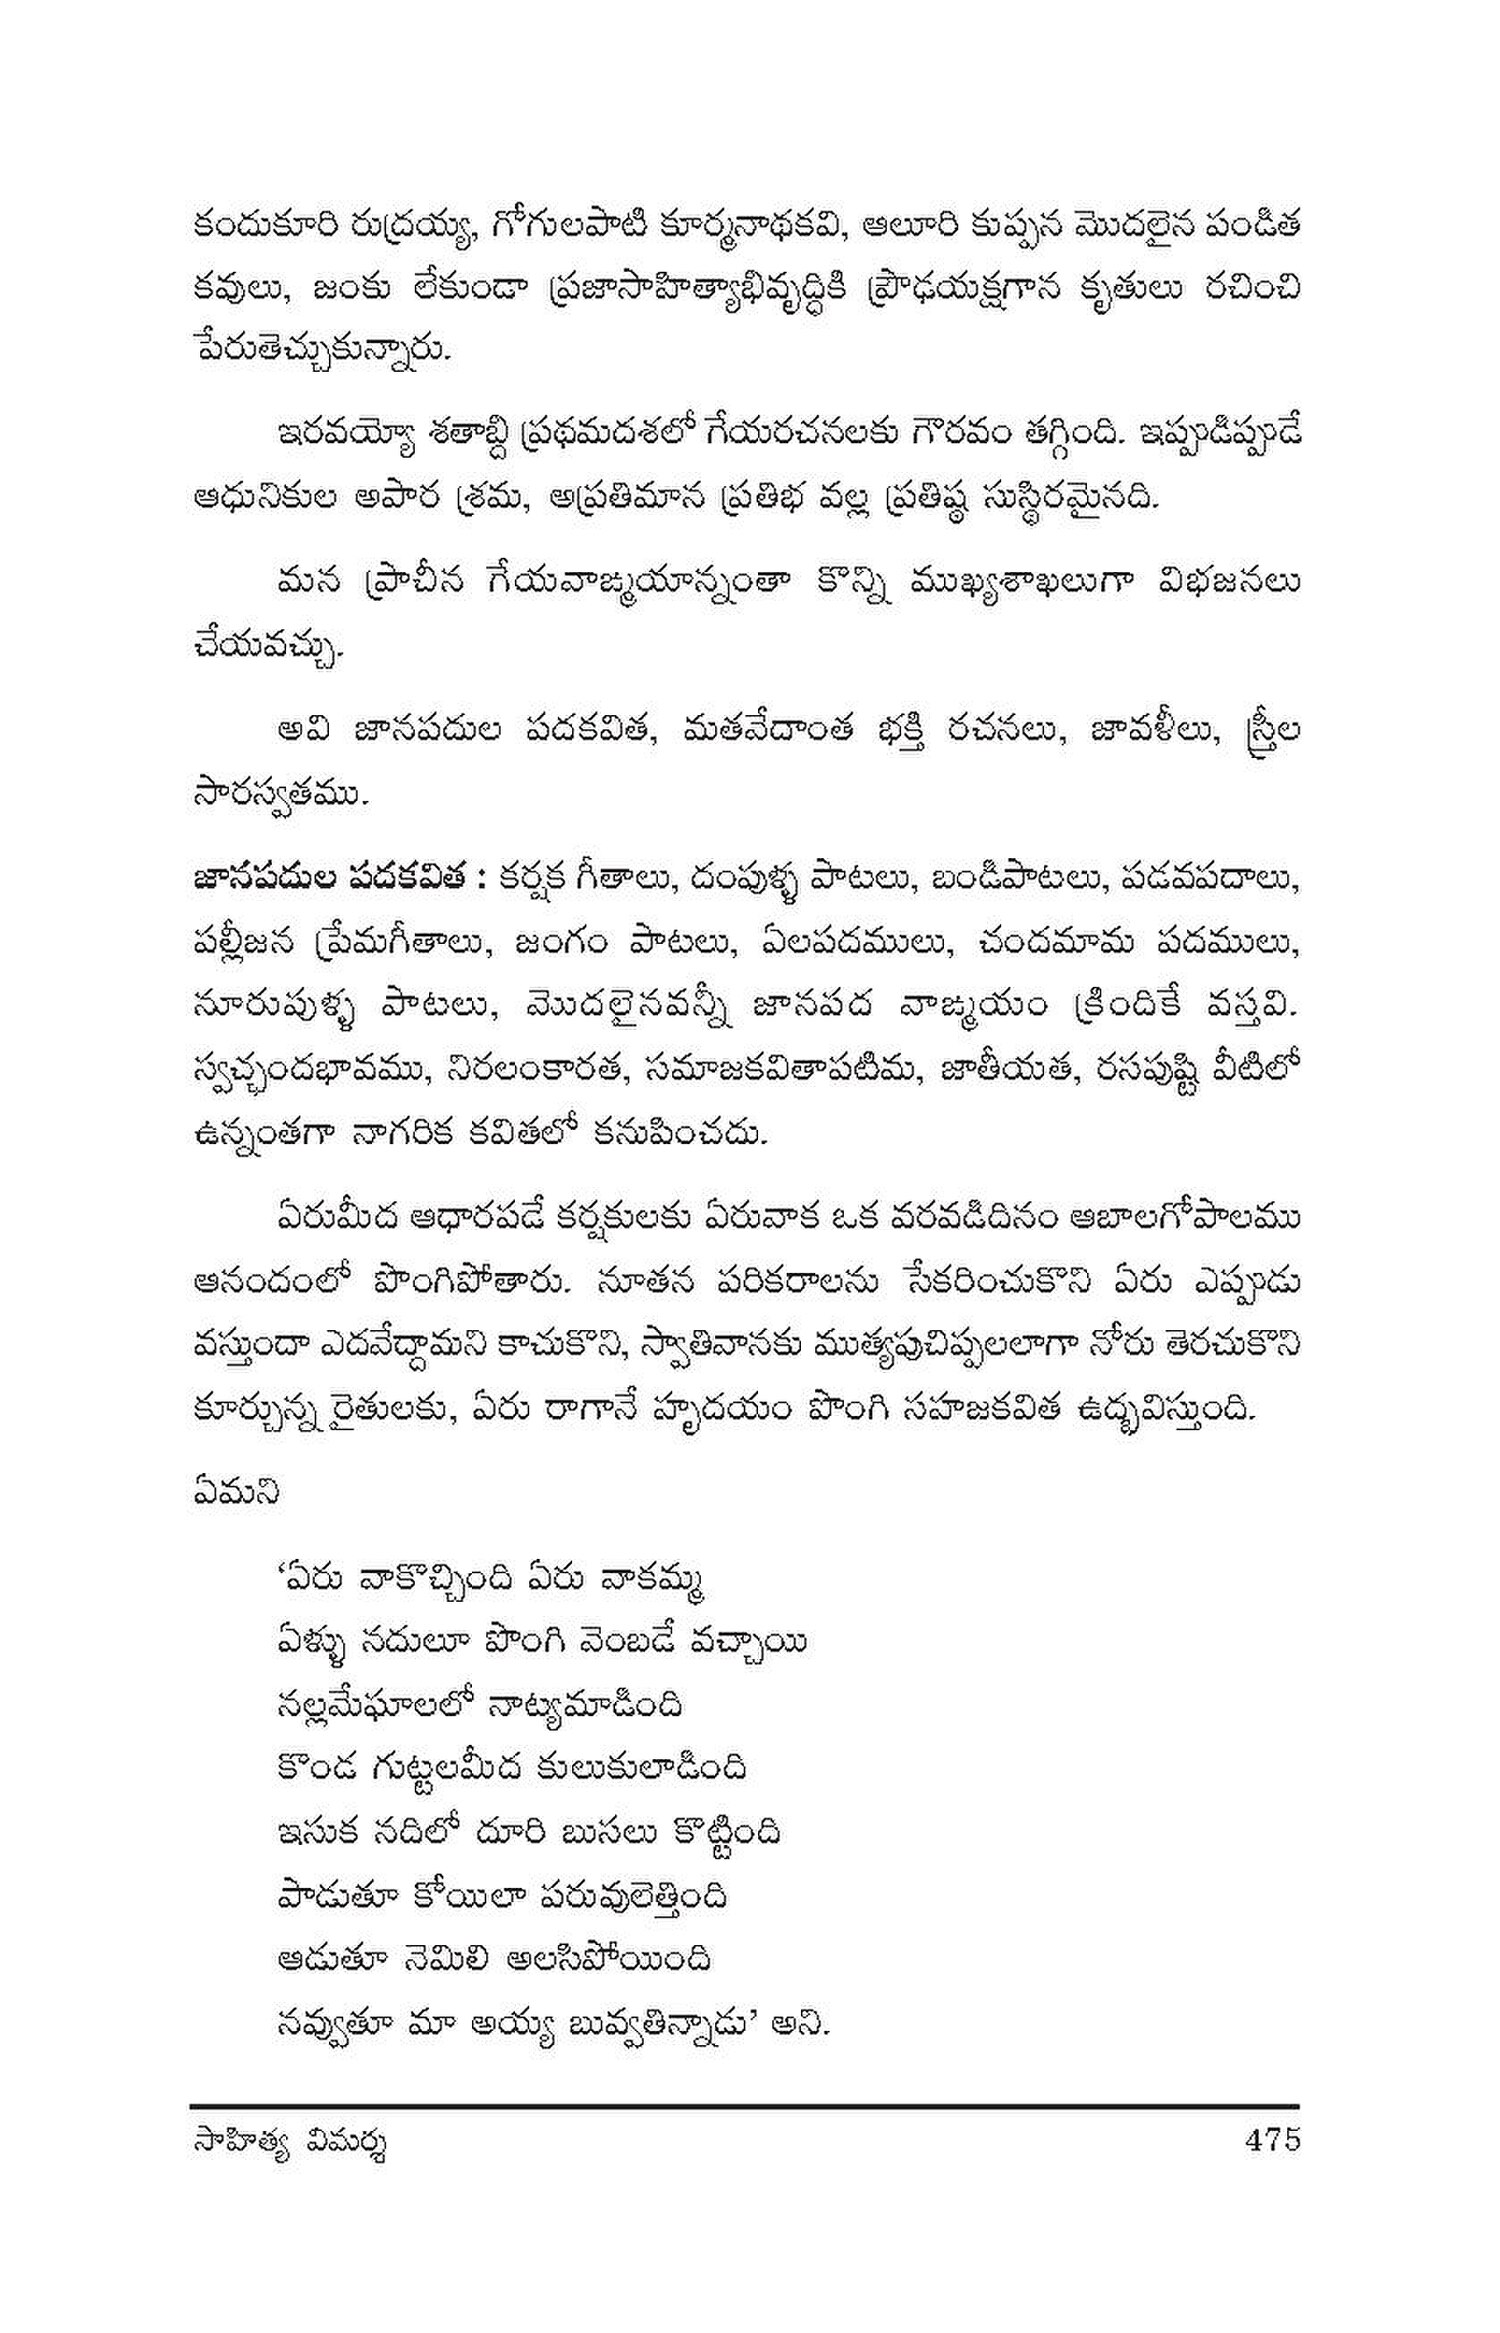కందుకూరి రుద్రయ్య, గోగులపాటి కూర్మనాథకవి, ఆలూరి కుప్పన మొదలైన పండిత
కవులు, జంకు లేకుండా ప్రజాసాహిత్యాభివృద్ధికి ప్రౌఢయక్షగాన కృతులు రచించి
పేరుతెచ్చుకున్నారు.

ఇరవయ్యో శతాబ్ది ప్రథమదశలో గేయరచనలకు గౌరవం తగ్గింది. ఇప్పుడిప్పుడే
ఆధునికుల అపార శ్రమ, అప్రతిమాన ప్రతిభ వల్ల ప్రతిష్ఠ సుస్థిరమైనది.

మన ప్రాచీన గేయవాఙ్మయాన్నంతా కొన్ని ముఖ్యశాఖలుగా విభజనలు
చేయవచ్చు.

అవి జానపదుల పదకవిత, మతవేదాంత భక్తి రచనలు, జావళీలు, స్త్రీల
సారస్వతము.

జానపదుల పదకవిత : కర్షక గీతాలు, దంపుళ్ళ పాటలు, బండిపాటలు, పడవపదాలు,
పల్లీజన ప్రేమగీతాలు, జంగం పాటలు, ఏలపదములు, చందమామ పదములు,
నూరుపుళ్ళ పాటలు, మొదలైనవన్నీ జానపద వాఙ్మయం క్రిందికే వస్తవి.
స్వచ్ఛందభావము, నిరలంకారత, సమాజకవితాపటిమ, జాతీయత, రసపుష్టి వీటిలో
ఉన్నంతగా నాగరిక కవితలో కనుపించదు.

ఏరుమీద ఆధారపడే కర్షకులకు ఏరువాక ఒక వరవడిదినం ఆబాలగోపాలము
ఆనందంలో పొంగిపోతారు. నూతన పరికరాలను సేకరించుకొని ఏరు ఎప్పుడు
వస్తుందా ఎదవేద్దామని కాచుకొని, స్వాతివానకు ముత్యపుచిప్పలలాగా నోరు తెరచుకొని
కూర్చున్న రైతులకు, ఏరు రాగానే హృదయం పొంగి సహజకవిత ఉద్భవిస్తుంది.
ఏమని

'ఏరు వాకొచ్చింది ఏరు వాకమ్మ
ఏళ్ళు నదులూ పొంగి వెంబడే వచ్చాయి
నల్లమేఘాలలో నాట్యమాడింది
కొండ గుట్టలమీద కులుకులాడింది
ఇసుక నదిలో దూరి బుసలు కొట్టింది
పాడుతూ కోయిలా పరువులెత్తింది
ఆడుతూ నెమిలి అలసిపోయింది
నవ్వుతూ మా అయ్య బువ్వతిన్నాడు' అని.